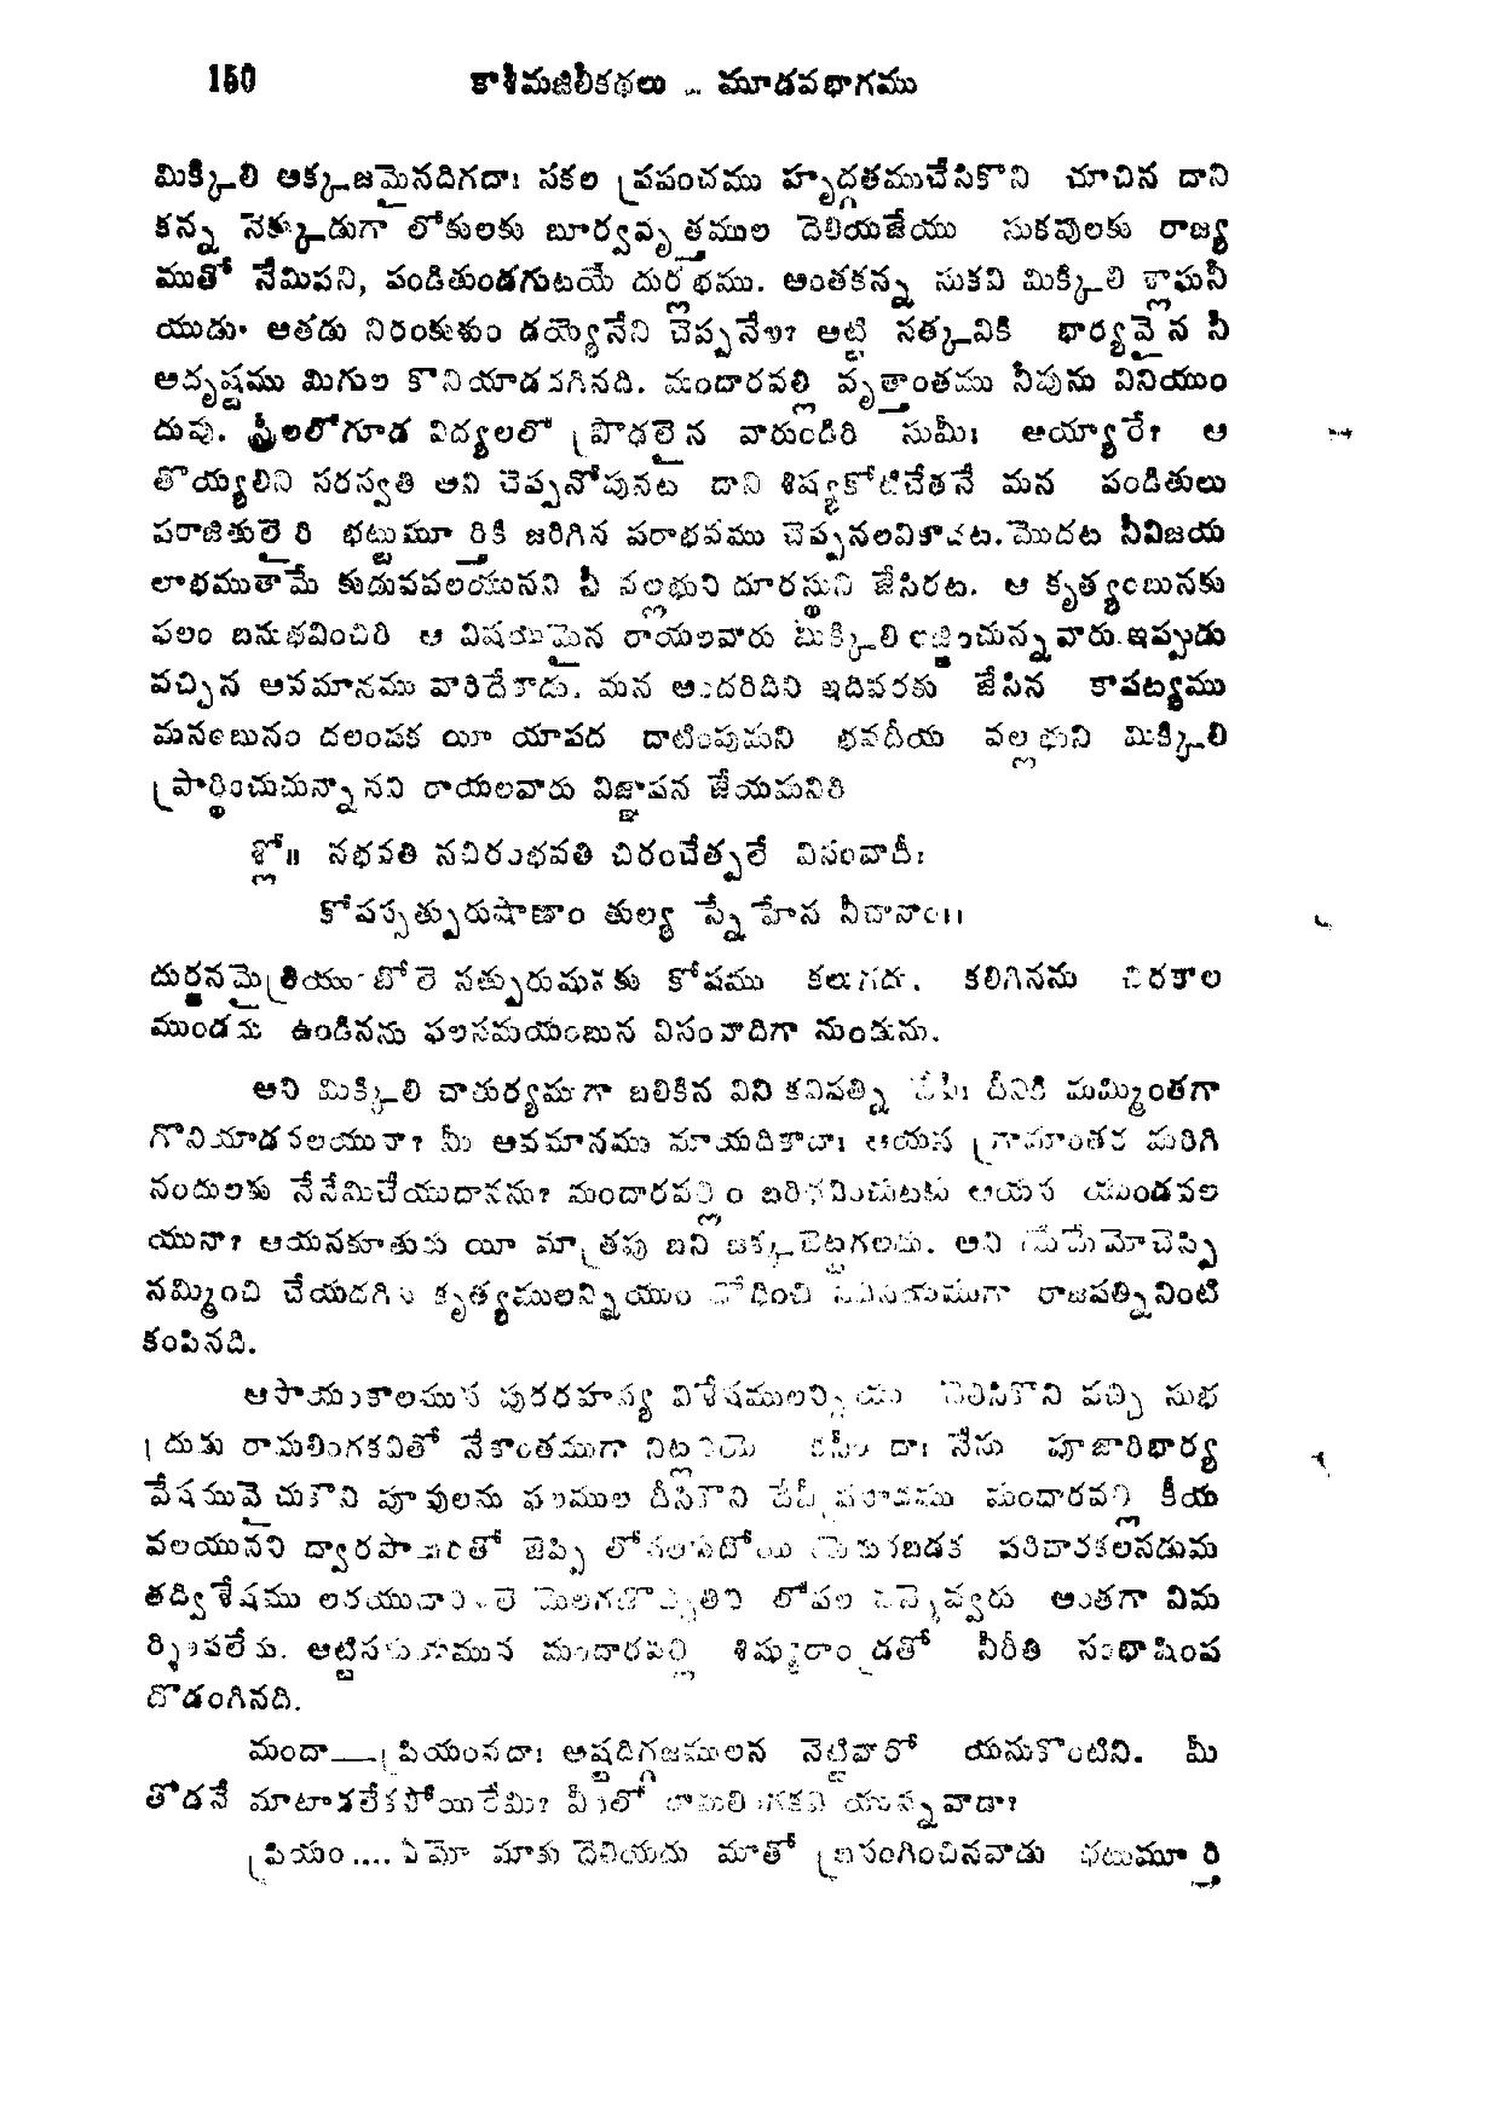మిక్కిలి అక్కజమైనదిగదా! సకలప్రపంచము హృద్గతము చేసికొని చూచిన దానికన్న నెక్కుడుగా లోకులకు బూర్వవృత్తముల దెలియజేయు సుకవులకు రాజ్యముతో నేమిపని, పండితుండగుటయే దుర్లభము. అంతకన్న సుకవి మిక్కిలి శ్లాఘనీయుడు. ఆతడు నిరంకుశుం డయ్యెనేని చెప్పనేల? అట్టి సత్కవికి భార్యవైన నీ అదృష్టము మిగుల కొనియాడదగినది. మందారవల్లి వృత్తాంతము నీవును వినియుందువు. స్త్రీలలోగూడ విద్యలలో ప్రౌఢలైన వారుండిరి సుమీ! అయ్యారే? ఆ తొయ్యలిని సరస్వతి అని చెప్పనోపునట దాని శిష్యకోటిచేతనే మన పండితులు పరాజితులైరి భట్టుమూర్తికి జరిగిన పరాభవము చెప్పనలవికాదట. మొదట నీవిజయలాభము తామే కుడువవలయునని నీ వల్లభుని దూరస్థుని జేసిరట. ఆ కృత్యంబునకు ఫలం బనుభవించిరి. ఆ విషయమైన రాయలవారు మిక్కిలి లజ్జించున్నవారు. ఇప్పుడు వచ్చిన అవమానము వారిదేకాదు. మన అందరిదిని. ఇదివరకు జేసిన కాపట్యము మనంబునం దలంపక యీ యాపద దాటింపుమని భవదీయవల్లభుని మిక్కిలి ప్రార్థించుచున్నా నని రాయలవారు విజ్ఞాపన జేయమనిరి.

శ్లో॥ నభవతి నచిరంభవతి చిరంచేత్పలే విసంవాదీ?
 కోపస్సత్పురుషాణాం తుల్య స్నేహేన నీచానాం॥
దుర్జనమైత్రియుంబోలె సత్పురుషునకు కోపము కలుగదు. కలిగినను చిరకాల ముండదు ఉండినను ఫలసమయంబున విసంవాదిగా నుండును.

అని మిక్కిలి చాతుర్యముగా బలికిన విని కవిపత్ని దేవీ! దీనికి మమ్మింతగా గొనియాడవలయునా? మీ అవమానము మాయదికాదా? ఆయన గ్రామాంతర మరిగి నందులకు నేనేమిచేయుదానను? మందారవల్లిం బరిభవించుటకు ఆయన యుండవలయునా? ఆయనకూతురు యీ మాత్రపు బని జక్కబెట్టగలదు. అని యేమేమోచెప్పి నమ్మించి చేయదగిన కృత్యములన్నియుం బోధించి సవినయముగా రాజపత్నినింటి కంపినది.

ఆసాయంకాలమున పురరహస్య విశేషములన్నియు దెలిసికొని వచ్చి సుభద్రుడు రామలింగకవితో నేకాంతముగా నిట్లనియె కవీంద్రా ! నేను పూజారిభార్య వేషము వైచుకొని పూవులను ఫలముల దీసికొని దేవీప్రసాదము మందారవల్లి కీయవలయునని ద్వారపాలురతో జెప్పి లోపలకుబోయి యెదురుబడక పరిచారకలనడుమ తద్విశేషము లరయుదానింవలె మెలగజొచ్చితిని లోపల నన్నెవరు అంతగా విమర్శింపలేదు. అట్టిసమయమున మందారవల్లి శిష్యురాండ్రతో నీరీతి సంభాషింప దొడంగినది.

మందా — ప్రియంవదా! అష్టదిగ్గజములన నెట్టివారో యనుకొంటిని. మీ తోడనే మాటాడలేకపోయిరేమి? వీరిలో రామలింగకవి యున్నవాడా?

ప్రియం - ఏమో మాకు దెలియదు మాతో బ్రసంగించినవాడు భట్టుమూర్తి